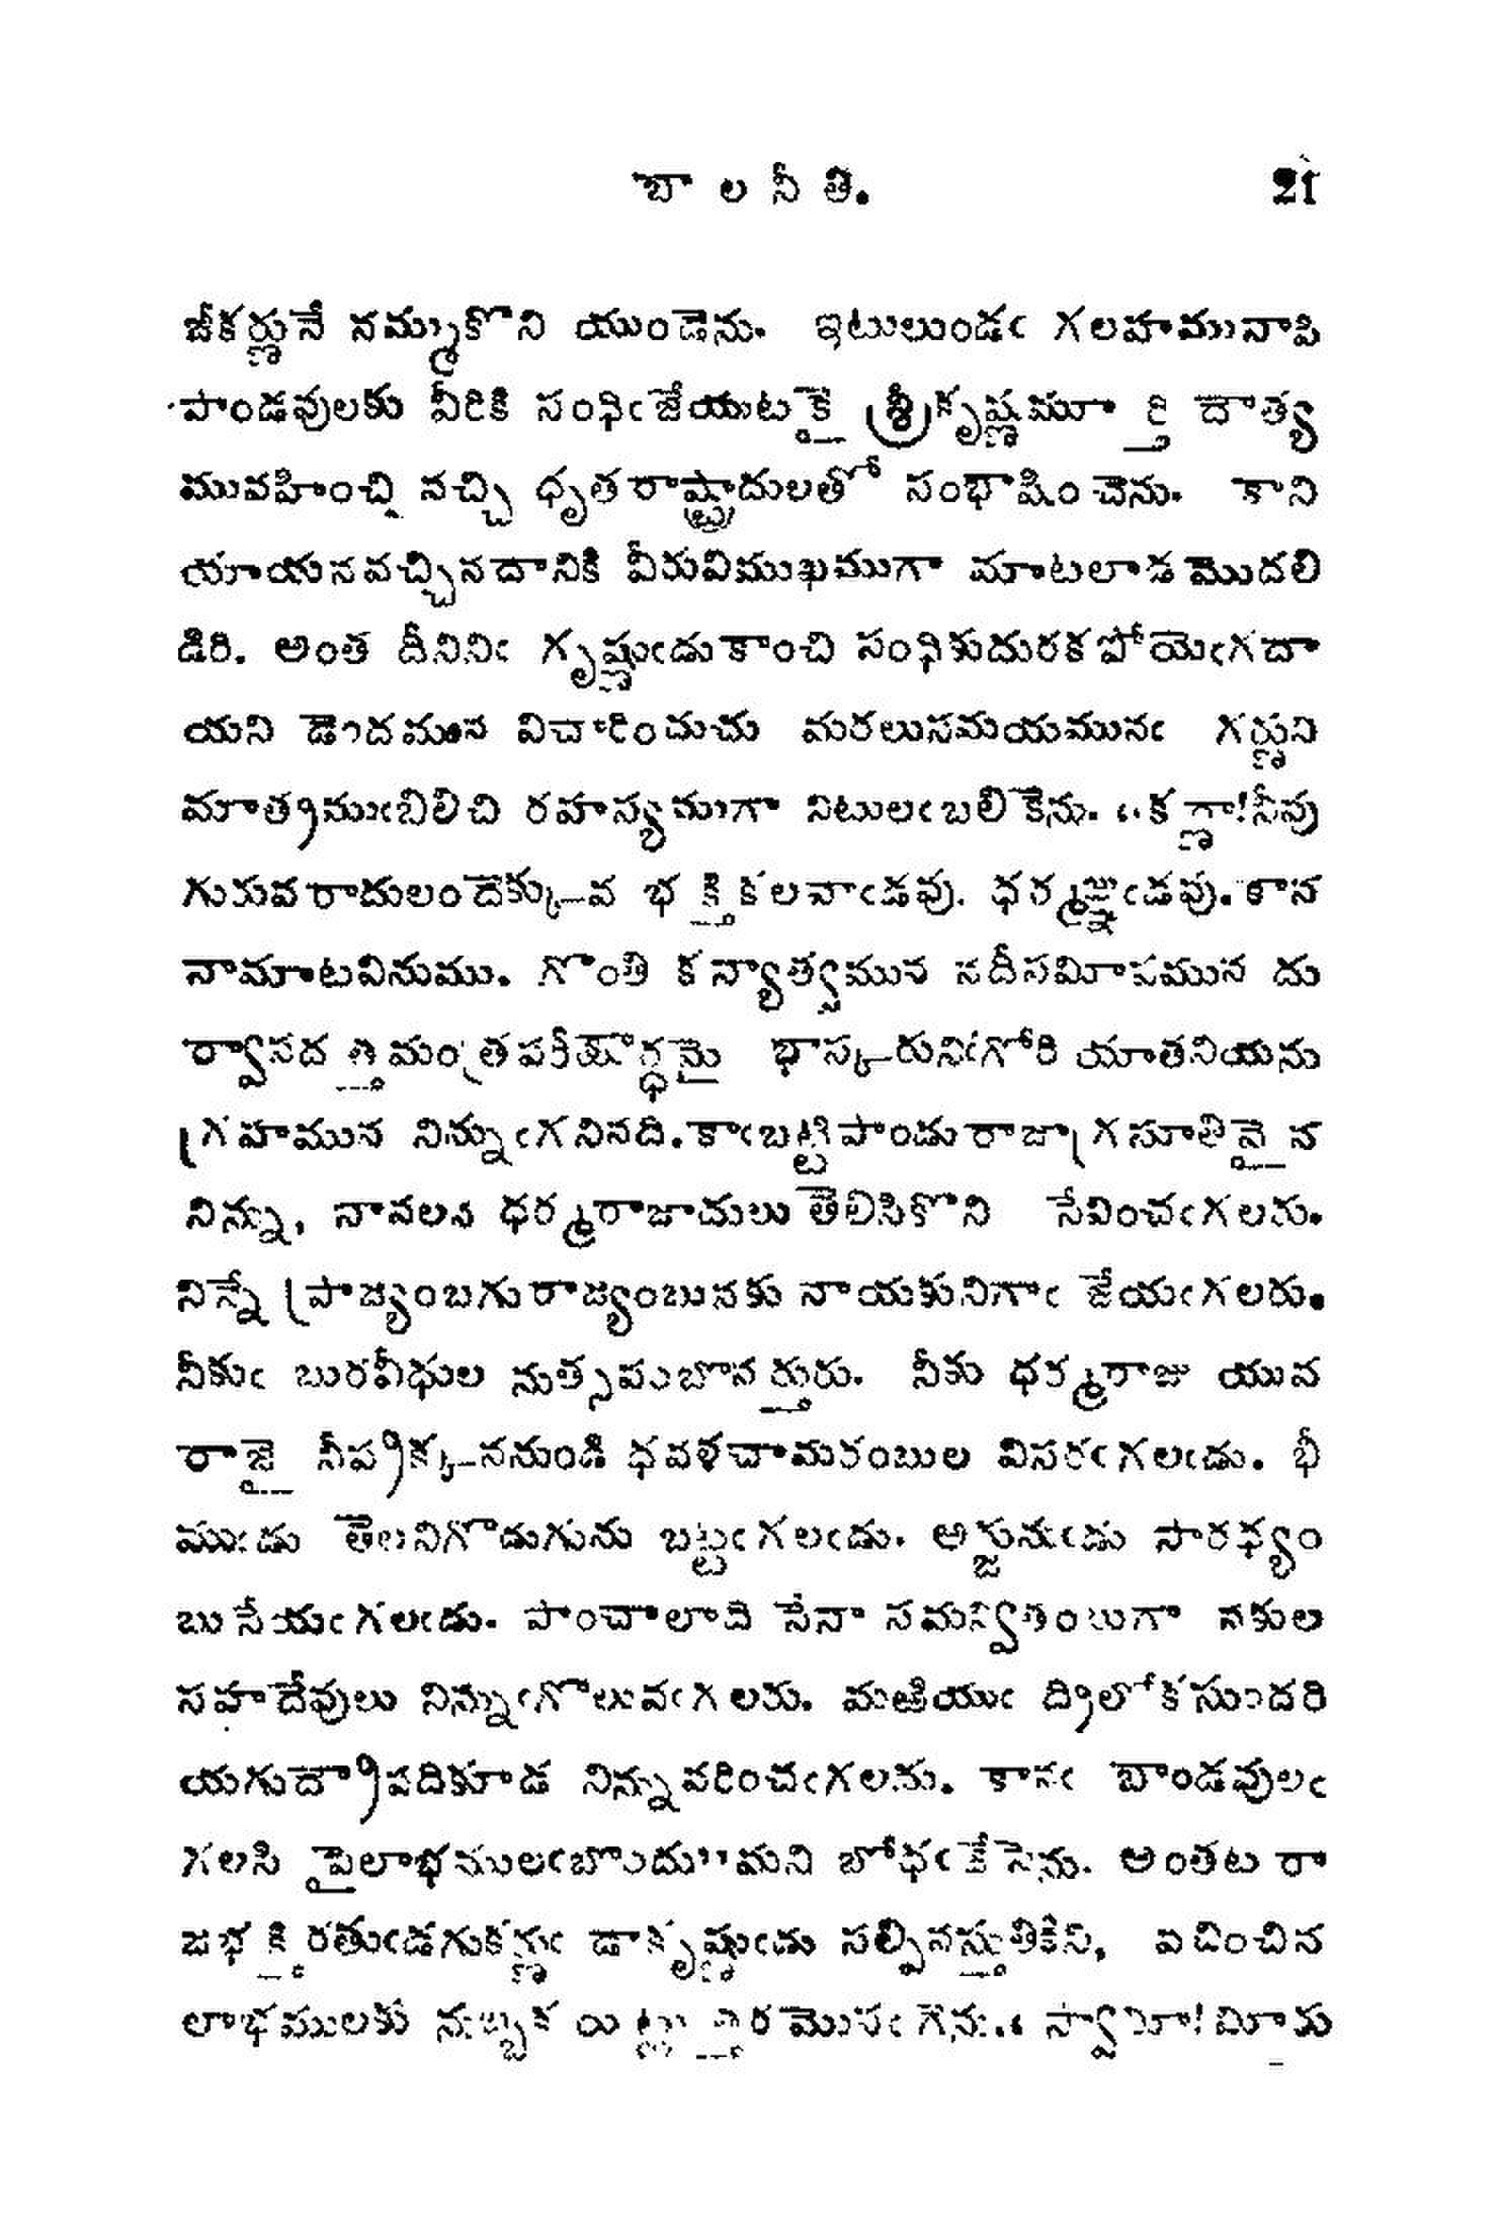జీకర్ణునే నమ్ముకొని యుండెను., ఇటులుండఁ గలహమునాపి 
పాండవులకు వీరికి సంధిఁజేయుటకై శ్రీకృష్ణమూర్తి దౌత్య
మువహించి వచ్చి ధృతరాష్ట్రాదులతో సంభాషించెను. కాని
యాయనవచ్చినదానికి వీరువిముఖముగా మాటలాడమొదలి
డిరి. అంత దీనినిఁ గృష్ణుఁడుకాంచి సంధికుదరకపోయెఁగదా 
యని డెందమున విచారించుచు మరలుసమయమునఁ గర్ణుని 
మాత్రముఁబిలిచి రహస్యముగా నిటులఁబలికెను. "కర్ణా! నీవు 
గురువరాదులందెక్కువ భక్తికలవాఁడవు ధర్మజ్ఞుఁడవు. కాన 
నామాటవినుము. గొంతి కన్యాత్వమున నదీసమీపమున దు
ర్వాసదత్తమంత్రపరీక్షార్ధమై భాస్కరునిఁగోరి యాతనియను
గ్రహమున నిన్నుఁగనినది. కాఁబట్టిపాండురాజాగ్రసూతివైన 
నిన్ను, నావలన ధర్మరాజాదులు తెలిసికొని సేవించఁగలరు.
నిన్నే ప్రాజ్యంబగురాజ్యంబునకు నాయకునిగాఁ జేయఁగలరు. 
నీకుఁ బురవీధుల నుత్సవంబొనర్తురు. నీకు ధర్మరాజు యువ
రాజై నీప్రక్కననుండి ధవళచామరంబుల విసరఁగలఁడు. భీ
ముఁడు తెల్లనిగొడుగును బట్టఁగలఁడు. అర్జునుఁడు సారధ్యం
బుసేయఁగలఁడు. పాంచాలాది సేనా సమన్వితంబుగా నకుల 
సహదేవులు నిన్నుఁగొలువఁగలరు. మఱియుఁ ద్రిలోకసుందరి
యగుద్రౌపదికూడ నిన్నువరించఁగలదు. కానఁ బాండవులఁ 
గలసి పైలాభములఁబొందు"మని బోధఁజేసెను. అంతట రా
జభక్తిరతుఁడగుకర్ణుఁ డాకృష్ణుఁడు సల్పినస్తుతికిని, వచించిన 
లాభములకు నుబ్బక యిట్లుత్తరమొసఁగెను. " స్వామీ! మీరు